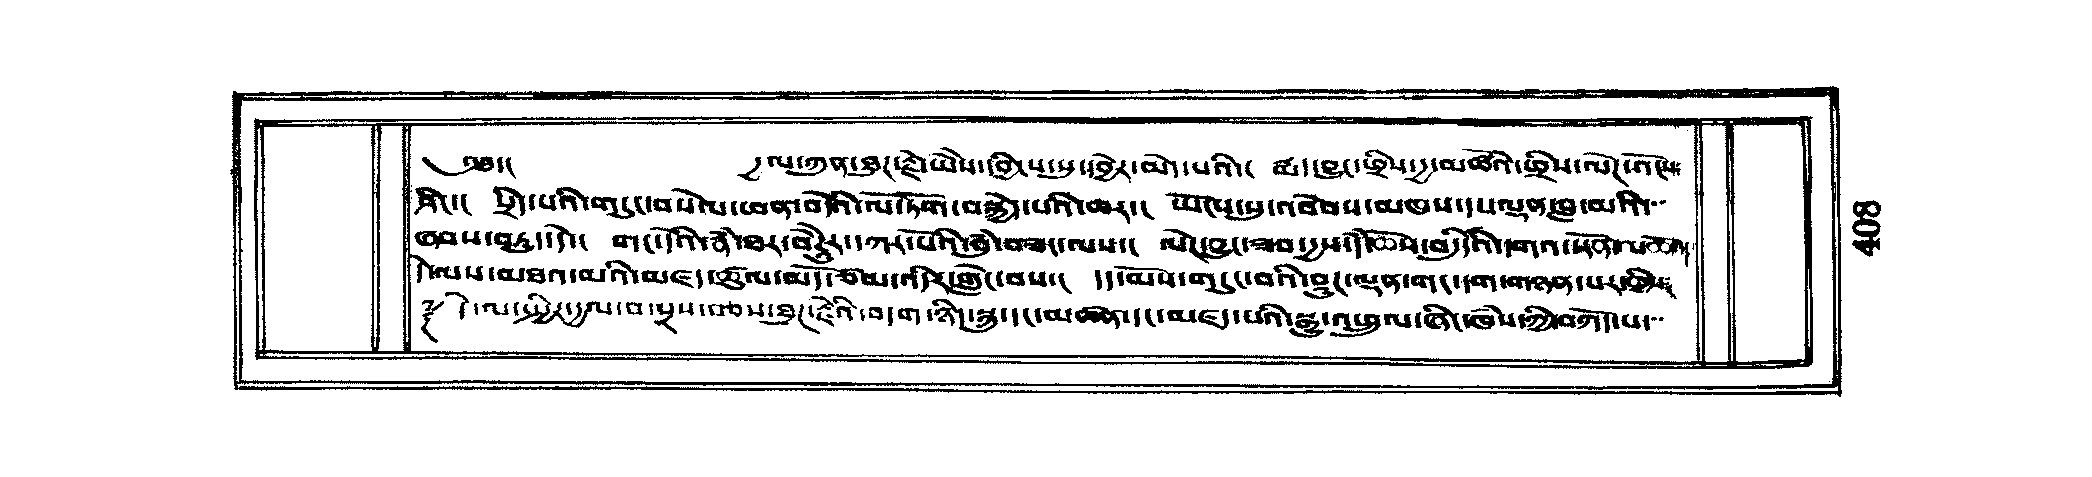རྒྱལ་ཀུན་ཐུགས་རྗེ་ཡེ་ཤེས་དབྱིངས་སུ་དབྱེར་མེད་པའི། །རྨད་བྱུང་ཕྲིན་ལས་རྒྱ་མཚོའི་འཇིངས་ལས་ལེགས་འོངས་
ཤིང་། །སྲིད་པའི་གདུང་སེལ་ཕན་བདེའི་ལོ་ཏོག་བསྐྱེད་པའི་ཆར། །ཡོངས་སུ་འབེབས་མཁས་དཔལ་ལྡན་བླ་མའི་
ཞབས་བཏུད་དེ། །གང་དེའི་རྣམ་ཐར་བཻཌཱུར་དཀར་པོའི་བུམ་བཟང་ལས། །ལེགས་བྱུང་ཟབ་རྒྱས་དམ་ཆོས་བདུད་རྩིའི་དགའ་སྟོན་མཆོག །
དེ་ལས་མཐའ་མའི་མཛད་ཚུལ་མདོ་ཙམ་འདིར་གླེང་བས། །དད་མོས་གདུང་བའི་ཤུགས་ལྡན་གང་དག་གཉན་པར་གྱིས། 
༈ དེ་ལ་སྤྱིར་རྒྱལ་བ་སྲས་བཅས་ཐུགས་རྗེའི་བདག་ཉིད་སྐུ་དང་མཚན་དང་མཛད་པའི་སྒྱུ་འཕྲུལ་ཞིང་ཁམས་ཀྱི་བཀོད་པ་